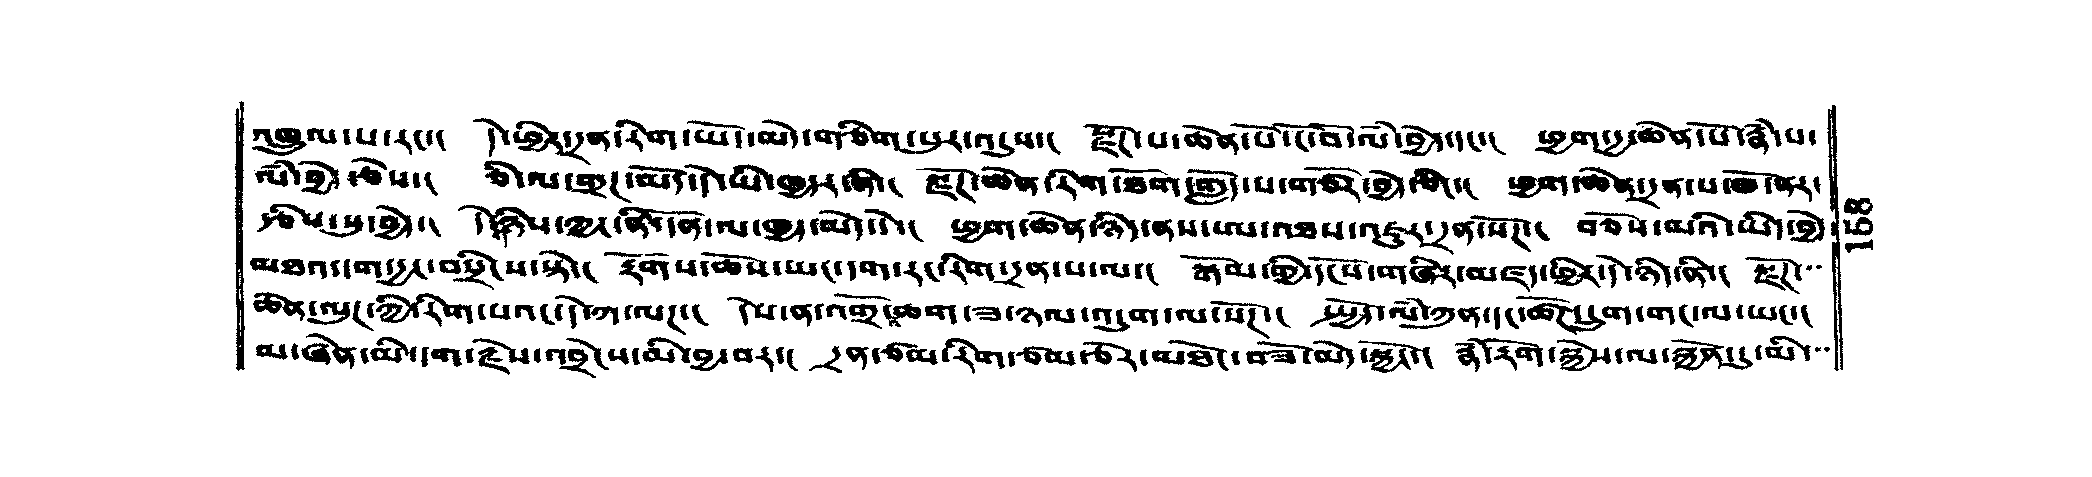འཁྲུལ་པ་རང་། །དེ་ཕྱིར་དྲན་རིག་ཡོད་མེད་གཅིག་པུར་འདུས། །རྫོགས་པ་ཆེན་པོ་ངོ་བོ་ལམ་བྱེད་དང་། །ཕྱག་རྒྱ་ཆེན་པོ་རྣམ་པ་
ལམ་བྱེད་ཅེས། །སྤྱི་ལ་གྲགས་མོད་དེ་ཡི་ཁྱད་པར་ནི། །རྫོགས་ཆེན་རིག་ཐོག་གློད་པ་གཙོར་བྱེད་ཅིང་། །ཕྱག་ཆེན་དྲན་པ་ཁོ་ནར་
རྩིས་སུ་བྱེད། །དེ་གཉིས་ཀྱང་ནི་དོན་ལ་ཁྱད་མེད་དེ། །ཕྱག་ཆེན་ཉིད་ནས་ཨ་འཐས་འཇུར་དྲན་སོགས། །བཅོས་མའི་ཡིད་བྱེད་
མཐའ་དག་རྒྱང་བསྲིངས་སྟེ། །རྟོགས་ཆོས་ཡང་དག་རང་རིག་དྲན་པ་ལ། །སྒོམ་གྱི་དངོས་གཞིར་མཛད་ཕྱིར་དེ་ཉིད་ནི། །རྫོགས་
ཆེན་ལུགས་ཀྱི་རིག་པའང་དེ་ཀ་ལགས། །དེས་ན་འགྲོ་འཆག་ཟ་ཉལ་འདུག་ལ་སོགས། །སྤྱོད་ལམ་ཀུན་དང་ཚོགས་དྲུག་གང་ལ་ཡང་། །
མ་ཞེན་མི་དགག་རྗེས་འབྲོངས་མི་བྱ་བར། །དྲན་ཙམ་རིག་ཙམ་ཅེར་མཐོང་བཟོ་མེད་སྐྱོངས། །རྣམ་རྟོག་སྐྱེས་ལ་སྐྱོན་དུ་མི་